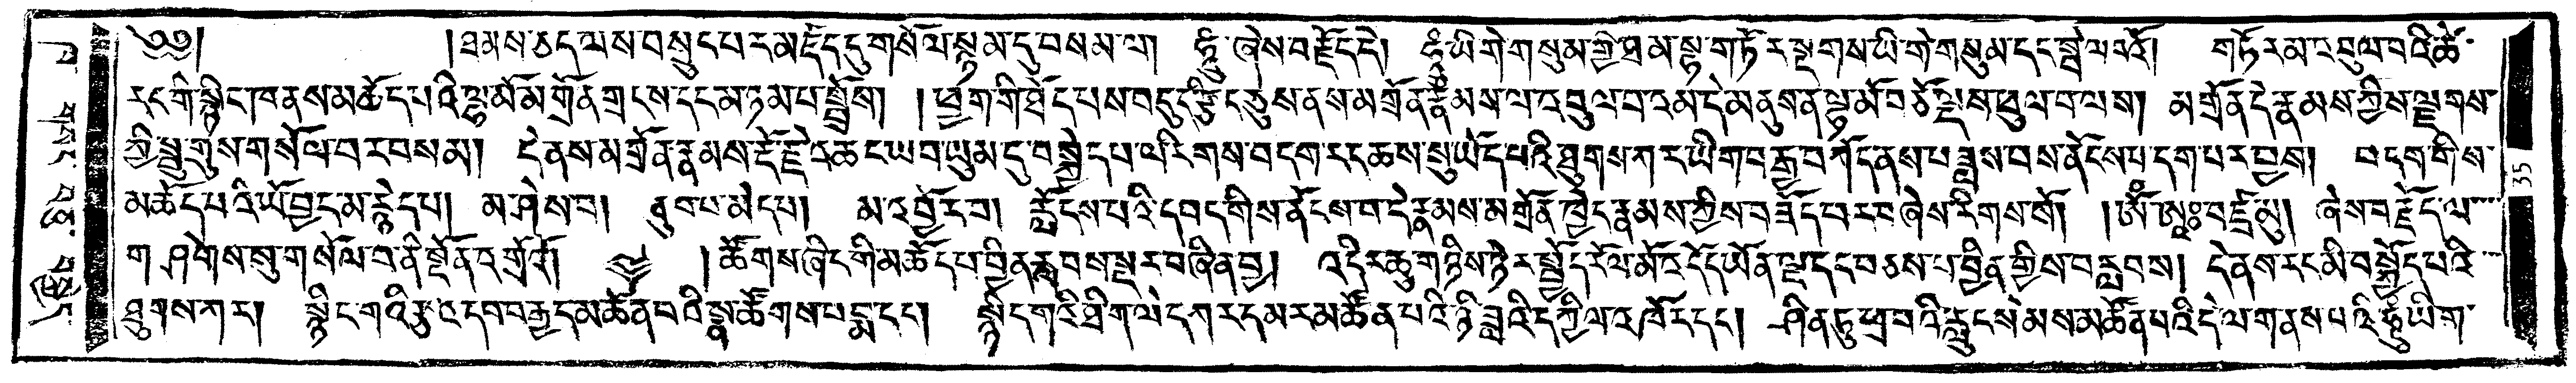༄༅། །ཐམས་ཅད་ལས་བསྲུང་བར་མཛོད་དུ་གསོལ་སྙམ་དུ་བསམ་ལ། ཧཱུཾ་ཞེས་བརྗོད་དེ། ཧཱུཾ་ཡི་གེ་གསུམ་གྱི་ཐ་མ་སྟ་གཏོར་སྔགས་ཡི་གེ་གསུམ་དང་སྦེལ་བའོ། གཏོར་མ་འབུལ་བའི་ཚེ་
རང་གི་སྙིང་ཁ་ནས་མཆོད་པའི་ལྷ་མོ་མགྲོན་གྲངས་དང་མཉམ་པ་སྤྲོས། །ཕྱག་གི་ཐོད་པས་བདུད་རྩིད་ཅུས་ནས་མགྲོན་རྣམས་ལ་འབུལ་བ་འམ་དེ་མནུས་ན་ལྷ་མོ་བཅོ་ལྔས་ཕུལ་བ་ལས། མགྲོན་དེ་རྣམས་ཀྱིས་ལྗགས་
ཀྱི་སྤུ་གུས་གསོལ་བར་བསམ། དེ་ནས་མགྲོན་རྣམས་རྡོ་རྗེ་འཆང་ཡབ་ཡུམ་དུ་བསྐྱེད་པ་ལ་རིགས་བདག་རང་ཆས་སུ་ཡོད་པའི་ཐུགས་ཀར་ཡིག་བརྒྱ་བཀོད་ནས་བཟླས་བས་ནོངས་པ་དག་པར་བྱས། བདག་གིས་
མཆོད་པའི་ཡོ་བྱད་མ་རྙེད་པ། མ་ཤེས་བ། ནུབ་པ་མེད་པ། མ་འབྱོར་བ། རློངས་པའི་དབང་གིས་ནོངས་བ་དེ་རྣམས་མགྲོན་ཁྱེད་རྣམས་ཀྱིས་བཟོད་བར་བཞེས་རིགས་སོ། །ཨོཾ་ཨཱཿབཛྲ་མུ། ཞེས་བརྗོད་ལ་
གཤེགས་སུ་གསོལ་བ་ནི་སྔོན་འགྲོའོ། ༈ །ཚོགས་ཞིང་གི་མཆོད་པ་བྱིན་རླབས་སྔར་བཞིན་བྱ། འདིར་ཆུ་གཉིས་ཉེར་སྤྱོད་རོལ་མོ་འདོད་ཡོན་ལྔ་དང་བཅས་པ་བྱིན་གྱིས་བརླབས། དེ་ནས་རང་མི་བསྐྱོད་པའི་
ཐུགས་ཀར། སྙིང་གའི་རྩ་འདབ་བརྒྱད་མཚོན་བའི་སྣ་ཚོགས་པདམ་དང་། སྙིང་གའི་ཐིག་ལེ་དཀར་དམར་མཚོན་པའི་ཉི་ཟླའི་དཀྱིལ་འཁོར་དང་། ཤིན་ཏུ་ཕྲ་བའི་རླུངས་སེམས་མཚོན་པའི་དེ་ལ་གནས་པའི་ཧཱུཾ་ཡིག་